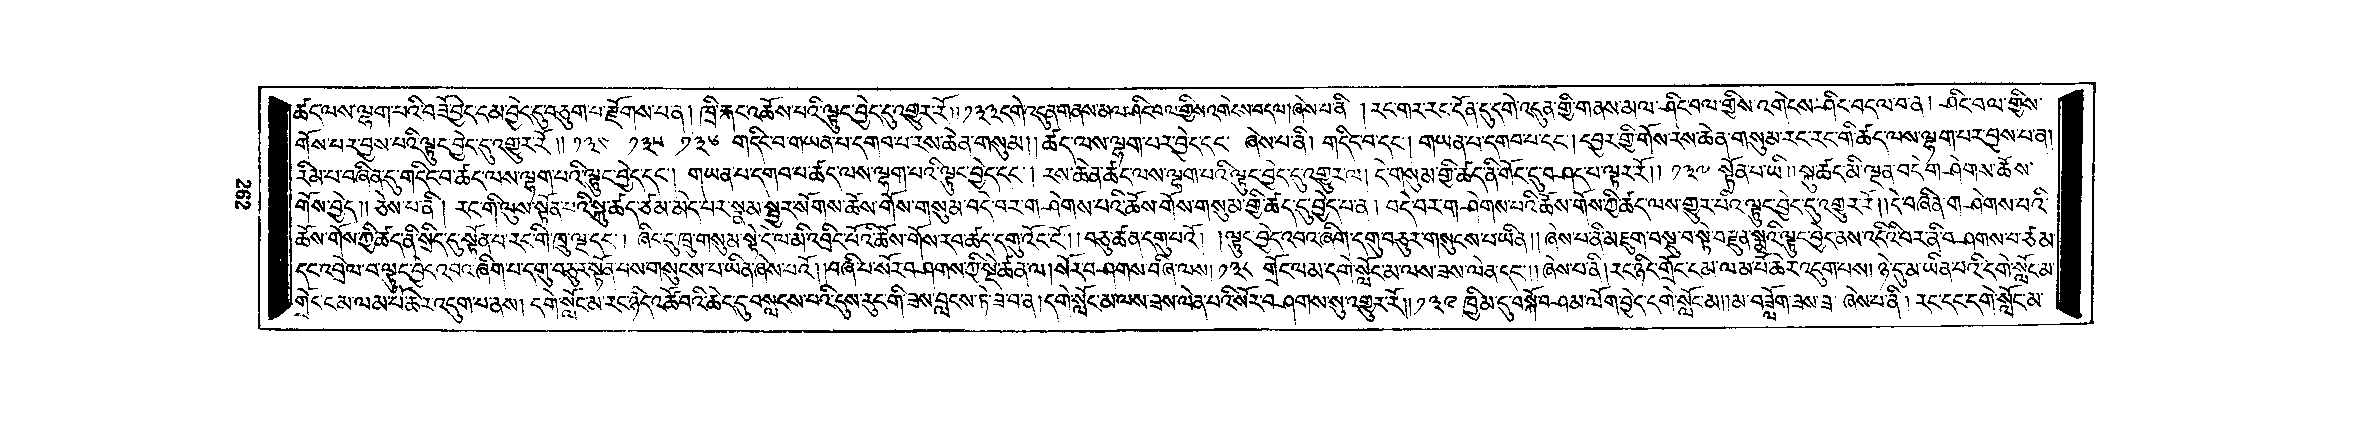ཚད་ལས་ལྷག་པའི་བཟོ་བྱེད་དམ་བྱེད་དུ་བཅུག་པ་རྫོགས་པ་ན། ཁྲི་རྐང་འཆོས་པའི་ལྟུང་བྱེད་དུ་འགྱུར་རོ། །དགེ་འདུན་གནས་མལ་ཤིང་བལ་གྱིས་འགེངས་བདལ། ཞེས་པ་ནི། རང་གར་རང་དོན་དུ་དགེ་འདུན་གྱི་གནས་མལ་ཤིང་བལ་གྱིས་འགེངས་ཤིང་བདལ་བ་ན། ཤིང་བལ་གྱིས་
གོས་པར་བྱས་པའི་ལྟུང་བྱེད་དུ་འགྱུར་རོ། །གདིང་བ་གཡན་པ་དགབ་པ་རས་ཆེན་གསུམ། །ཚད་ལས་ལྷག་པར་བྱེད་དང་ཞེས་པ་ནི། གདིང་བ་དང་། གཡན་པ་དགབ་པ་དང་། དབྱར་གྱི་གོས་རས་ཆེན་གསུམ་རང་རང་གི་ཚད་ལས་ལྷག་པར་བྱས་པ་ན།
རིམ་པ་བཞིན་དུ་གདིང་བ་ཚད་ལས་ལྷག་པའི་ལྟུང་བྱེད་དང་། གཡན་པ་དགབ་པ་ཚད་ལས་ལྷག་པའི་ལྟུང་བྱེད་དང་། རས་ཆེན་ཚད་ལས་ལྷག་པའི་ལྟུང་བྱེད་དུ་འགྱུར་ལ། དེ་གསུམ་གྱི་ཚད་ནི་གོང་དུ་བཤད་པ་ལྟར་རོ། །སྟོན་པ་ཡི། །སྐུ་ཚད་མི་ལྡན་བདེ་གཤེགས་ཆོས་
གོས་བྱེད། །ཅེས་པ་ནི། རང་གི་ལུས་སྟོན་པའི་སྐུ་ཚད་ཙམ་མེད་པར་སྣམ་སྦྱར་སོགས་ཆོས་གོས་གསུམ་བདེ་བར་གཤེགས་པའི་ཆོས་གོས་གསུམ་གྱི་ཚད་དུ་བྱེད་པ་ན། བདེ་བར་གཤེགས་པའི་ཆོས་གོས་ཀྱི་ཚད་ལས་གྱུར་པའི་ལྟུང་བྱེད་དུ་འགྱུར་རོ། །དེ་བཞིན་གཤེགས་པའི་
ཆོས་གོས་ཀྱི་ཚད་ནི་སྲིད་དུ་སྟོན་པ་རང་གི་ཁྲུ་ལྔ་དང་། ཞིང་དུ་ཁྲུ་གསུམ་སྟེ་དེ་ལ་མི་འབྲིང་པོའི་ཆོས་གོས་རབ་ཚད་དགུ་འོང་ངོ། །བཅུ་ཚན་དགུ་པའོ། །ལྟུང་བྱེད་འབའ་ཞིག་དགུ་བཅུར་གསུངས་པ་ཡིན། །ཞེས་པ་ནི་མཇུག་བསྡུ་བ་སྟེ་བརྫུན་སྨྲའི་ལྟུང་བྱེད་ནས་འདིའི་བར་ནི་བཤགས་པ་ཙམ་
དང་འབྲེལ་བ་ལྟུང་བྱེད་འབའ་ཞིག་པ་དགུ་བཅུར་སྟོན་པས་གསུངས་པ་ཡིན་ཞེས་པའོ། །བཞི་པ་སོར་བཤགས་ཀྱི་སྡེ་ཚན་ལ། སོར་བཤགས་བཞི་ལས། གྲོང་ལམ་དགེ་སློང་མ་ལས་ཟས་ལེན་དང་། །ཞེས་པ་ནི། རང་ཉིད་གྲོང་ངམ་ལམ་པོ་ཆེར་འདུག་པས། ཉེ་དུ་མ་ཡིན་པའི་དགེ་སློང་མ་
གྲོང་ངམ་ལམ་པོ་ཆེར་འདུག་པ་ནས། དགེ་སློང་མ་རང་ཉིད་འཚོ་བའི་ཆེད་དུ་བསླངས་པའི་དུས་རུང་གི་ཟས་བླངས་ཏེ་ཟ་བ་ན། དགེ་སློང་མ་ལས་ཟས་ལེན་པའི་སོར་བཤགས་སུ་འགྱུར་རོ། །ཁྱིམ་དུ་བསྐོ་བཤམ་ལོག་བྱེད་དགེ་སློང་མ། །མ་བཟློག་ཟས་ཟ་ཞེས་པ་ནི། རང་དང་དགེ་སློང་མ་